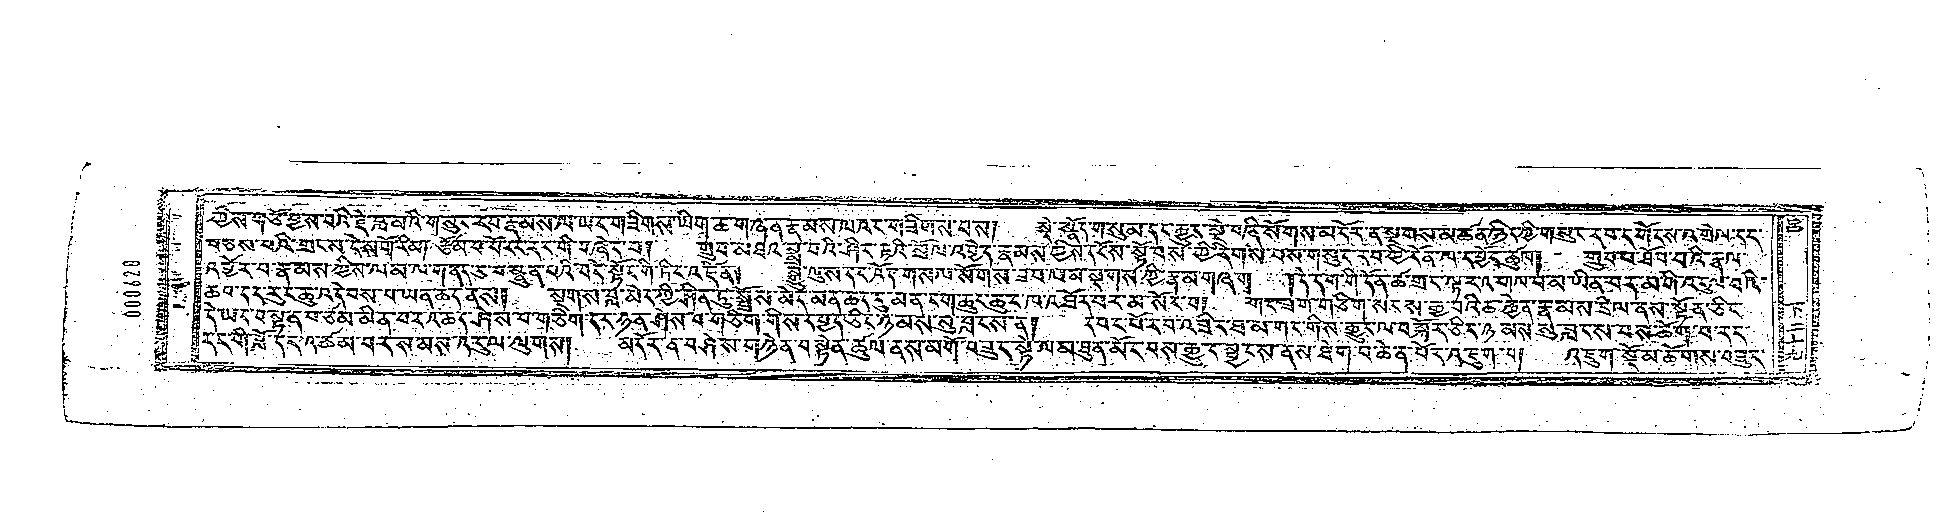ཀྱིས་གཙོ་བྱས་བའི་རྗེ་བླ་མའི་གསུང་རབ་རྣམས་ལ་ཡང་གཟིགས་ཡིག་ཆ་གཞན་རྣམས་ལའང་གཟིགས་བས། སྡེ་སྣོད་གསུམ་དང་རྒྱུད་སྡེ་བཞི་སོགས་མདོར་ན་སྔགས་མཚན་ཉིད་ཀྱི་གསུང་རབ་དགོངས་འགྲེལ་དང་
བཅས་པའི་གྲངས་ངེས་གོ་རིམ། རྩོམ་པ་པོ་རང་རང་གི་བཞེད་པ། གྲུབ་མཐའ་སྨྲ་བའི་ཤིང་རྟའི་སྲོལ་འབྱེད་རྣམས་ཀྱིས་དངོས་སྟོབས་ཀྱི་རིགས་པས་གསུང་རབ་ཀྱི་དོན་ལ་དཔྱོད་ཚུལ། གྲུབ་བ་ཐོབ་པའི་རྣལ་
འབྱོར་བ་རྣམས་ཀྱིས་ལམ་ལ་གནད་དུ་བསྣུན་པའི་བདེ་སྟོང་གི་ཏིང་འཛིན། སྒྱུ་ལུས་དང་འོད་གསལ་སོགས་ཟབ་ལམ་སྔགས་ཀྱི་རྣམ་གཞག །དེ་དག་གི་དོན་ཚ་གྲང་ལྟར་འགལ་བ་མ་ཡིན་བར་མ་གི་འདུལ་བའི་
ཆབ་དང་རུང་ཆུ་འདེབས་པ་ཡན་ཆད་ནས། སྔགས་བླ་མེད་ཀྱི་ཤིན་ཏུ་སྤྲོས་མེད་མན་ཆད་དུ་མན་ངག་ཆུང་ཆུང་ཁ་འཐོར་བར་མ་སོང་བ། གང་ཟག་གཅིག་སངས་རྒྱ་བའི་ཆ་རྐྱེན་རྣམས་དྲིལ་ནས་སྟོན་ཅིང་
དེ་ཡང་བསྟན་བ་ཙམ་མིན་བར་འཆད་ཤེས་པ་གཅིག་དང་ཉན་ཤེས་པ་གཅིག་གིས་དཔྱད་ཅིང་ཉམས་སུ་བླངས་ན། དབང་པོ་རབ་འབྲིང་ཐ་མ་གང་གིས་རྒྱུད་ལ་བསྐོར་ཅིང་ཉམས་སུ་བླངས་པས་ཆོག་བ་རང་
རང་གི་བློ་དང་འཚམ་བར་སམས་འདུལ་ལུགས། མདོར་ན་བཤེས་གཉེན་བསྟེན་ཚུལ་ནས་མགོ་བཟུང་སྟེ་ལམ་ཐུན་མོང་བས་རྒྱུར་སྦྱངས་ནས་ཐེག་བ་ཆེན་པོར་འཇུག་པ། འཇུག་སྡོམ་ཚོགས་བཟུང་